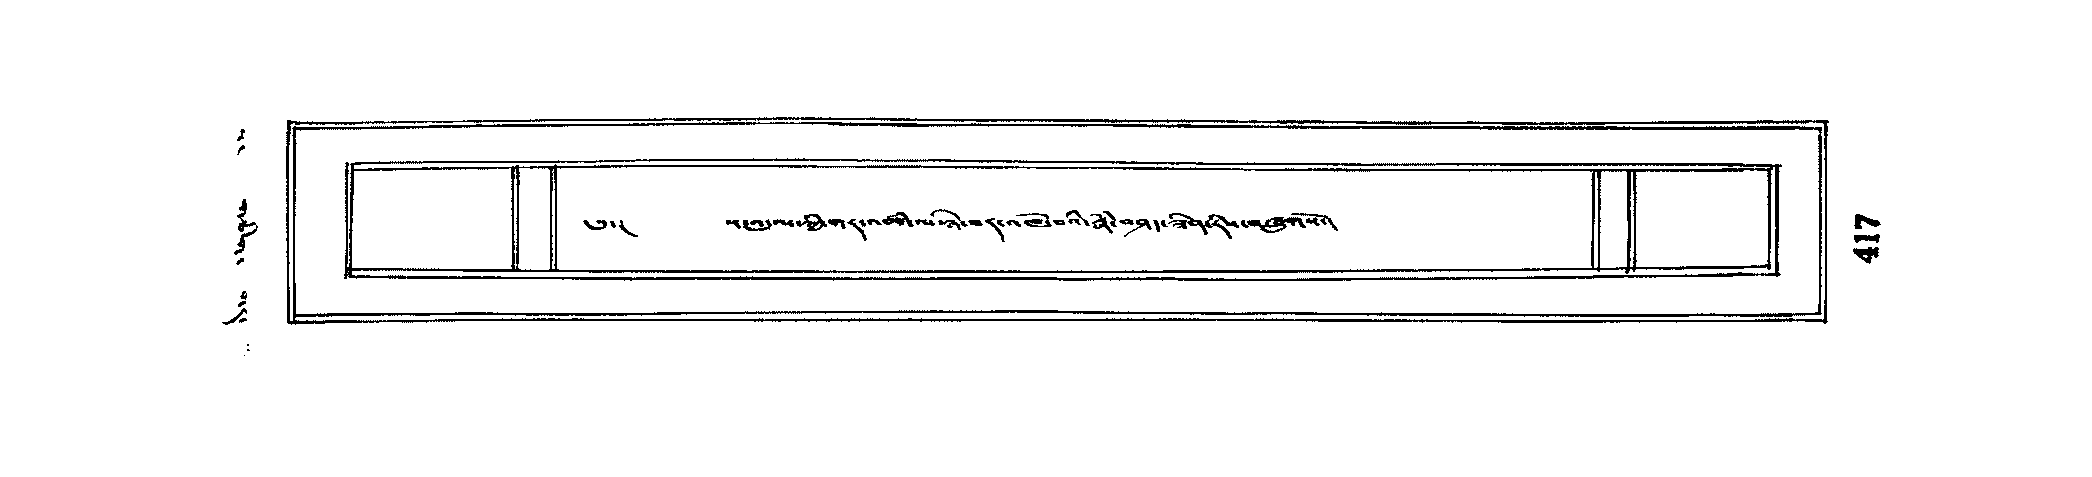ས་འདུལ་གྱི་གར་འཆམ་ལ་་ཉེ་བར་མཁོ་བའི་རྣམ་བཤད་ཟིན་རིས་བཞུགས་སོ།